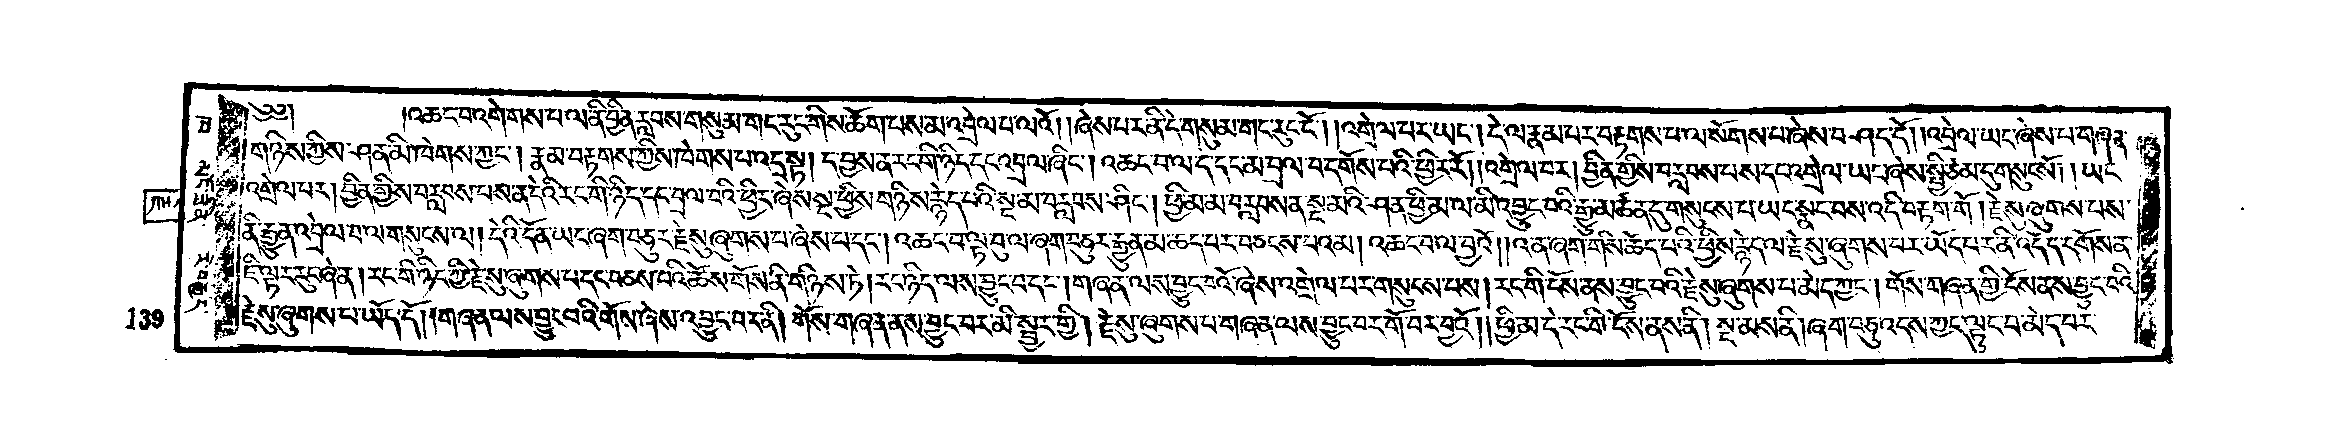༄༅། །འཆང་བ་འགེགས་པ་ལ་ནི་བྱིན་རླབས་གསུམ་གང་རུང་གིས་ཆོག་པས་མ་འབྲེལ་པ་ལའོ། །ཞེས་པར་ནི་དེ་གསུམ་གང་རུང་ངོ། །འགྲེལ་པར་ཡང་། དེ་ལ་རྣམ་པར་བརྟགས་པ་ལ་སོགས་པ་ཞེས་བཤད་དོ། །འབྲེལ་ཡང་ཞེས་པ་གཞན་
གཉིས་ཀྱིས་ཤན་མི་ཁེགས་ཀྱང་། རྣམ་བརྟགས་ཀྱིས་ཁེགས་པ་འདྲ་སྟེ། ད་བྱས་ན་རང་གི་ཉིད་དང་འབྲལ་ཞིང་། འཆང་བ་ལ་དེ་དང་མ་བྲལ་བ་དགོས་པའི་ཕྱིར་རོ། །འགྲེལ་བར། བྱིན་གྱིས་བརླབས་པས་དང་འགྲེལ་ཡང་ཞེས་སྤྱི་ཙམ་དུ་གསུངས་སོ། །ཡང་
འགྲེལ་པར། བྱིན་གྱིས་བརླབས་པས་ན་དེའི་རང་གི་ཉིད་དང་བྲལ་བའི་ཕྱིར་ཞེས་སྔ་ཕྱིས་གཉིས་རྙེད་པའི་སྔ་མ་བརླབས་ཤིང་། ཕྱི་མ་མ་བརླབས་ན་སྔ་མའི་ཤན་ཕྱི་མ་ལ་མི་འབྱུང་བའི་རྒྱུ་མཚན་དུ་གསུངས་པ་ཡང་སྣང་བས་འདི་བརྟག་གོ །རྗེས་སུ་ཞུགས་པས་
ནི་རྒྱུན་འབྲེལ་བ་ལ་གསུངས་ལ། དེའི་དོན་ཡང་ཞག་བཅུར་རྗེས་སུ་ཞུགས་པ་ཞེས་པ་དང་། འཆང་བ་ལྟ་བུ་ལ་ཞག་བཅུར་རྒྱུན་མ་ཆད་པར་བཅངས་པའམ། འཆང་བ་ལ་བྱའོ། །འོ་ན་ཞག་གིས་ཆོད་པའི་ཕྱིས་རྙེད་ལ་རྗེས་སུ་ཞུགས་པར་ཡོད་པར་ནི་འདོད་དགོས་ན་
ཇི་ལྟར་རུང་ཞེ་ན། རང་གི་ཉིད་ཀྱི་རྗེས་སུ་ཞུགས་པ་དང་བཅས་པའི་ཆོས་གོས་ནི་གཉིས་ཏེ། རང་ཉིད་ལས་བྱུང་བ་དང་། གཞན་ལས་བྱུང་བའོ་ཞེས་འགྲེལ་པར་གསུངས་པས། རང་གི་ངོས་ནས་བྱུང་བའི་རྗེས་སུ་ཞུགས་པ་མེད་ཀྱང་། གོས་གཞན་གྱི་ངོས་ནས་བྱུང་བའི་
རྗེས་སུ་ཞུགས་པ་ཡོད་དོ། །གཞན་ལས་བྱུང་བའི་གོས་ཞེས་འབྱུང་བར་ནི། གོས་གཞན་ནས་བྱུང་བར་མི་སྦྱར་གྱི། རྗེས་སུ་ཞུགས་པ་གཞན་ལས་བྱུང་བར་གོ་བར་བྱའོ། །ཕྱི་མ་དེ་རང་གི་ངོས་ནས་ནི། སྔ་མས་ནི། ཞག་བཅུ་འདས་ཀྱང་ལྟུང་བ་མེད་པར་